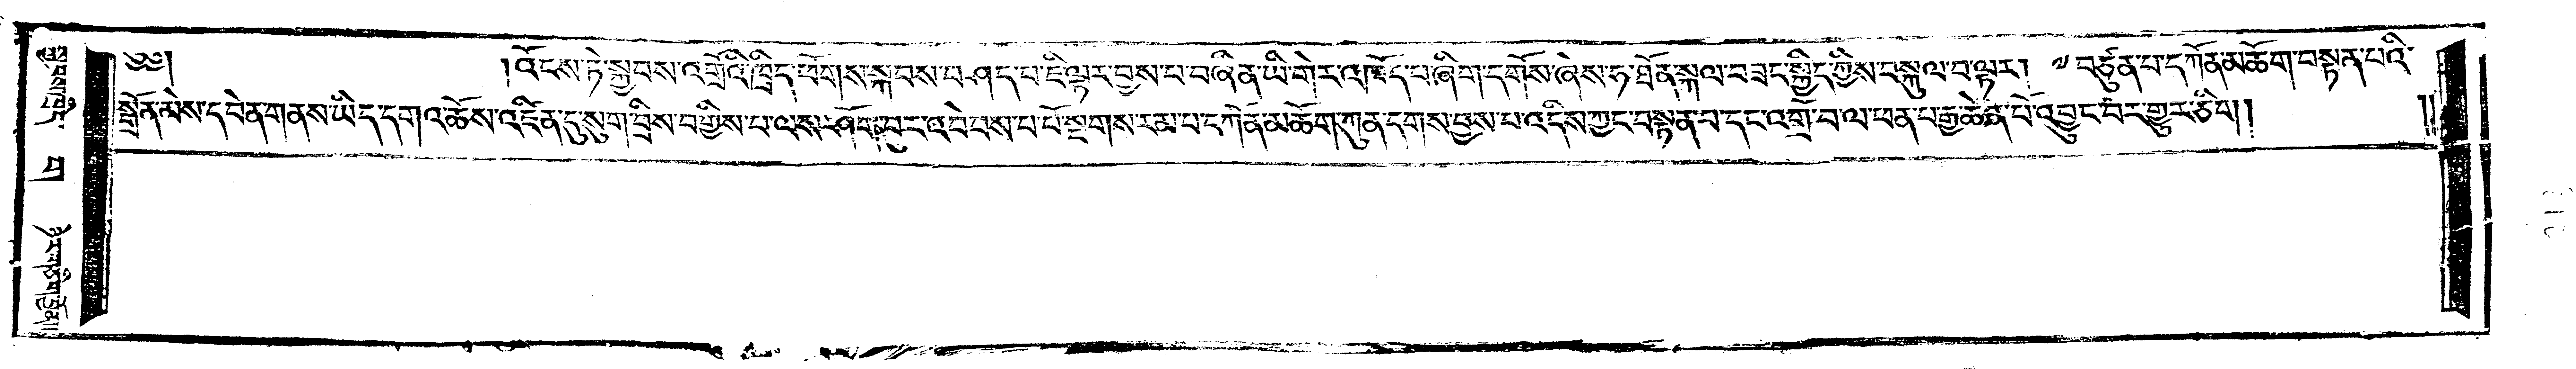༄༅། །འོངས་ཏེ་སྐྱབས་འགྲོའི་ཁྲིད་ཕོགས་སྐབས་བཤད་པ་ཇི་ལྟར་བྱས་པ་བཞིན་ཡི་གེར་འཁོད་བ་ཞིག་དགོས་ཞེས་ཧ་ཐོན་སྐལ་བཟང་སྐྱིད་ཀྱིས་བསྐུལ་བ་ལྟར། ~བཙུན་པ་དཀོན་མཆོག་བསྟན་པའི་
སྒྲོན་མེས་དབེན་གནས་ཡིད་དགའ་ཆོས་འཛིན་དུ་སུག་བྲིས་བགྱིས་པ་ལས་ཤོག་བུར་འབེབས་པ་པོ་སྔགས་རམ་པ་དཀོན་མཆོག་ཀུན་དགས་བྱས་པ་འདིས་ཀྱང་བསྟན་པ་དང་འགྲོ་བ་ལ་ཕན་པ་རྒྱ་ཆེན་པོ་འབྱུང་བར་གྱུར་ཅིག། །